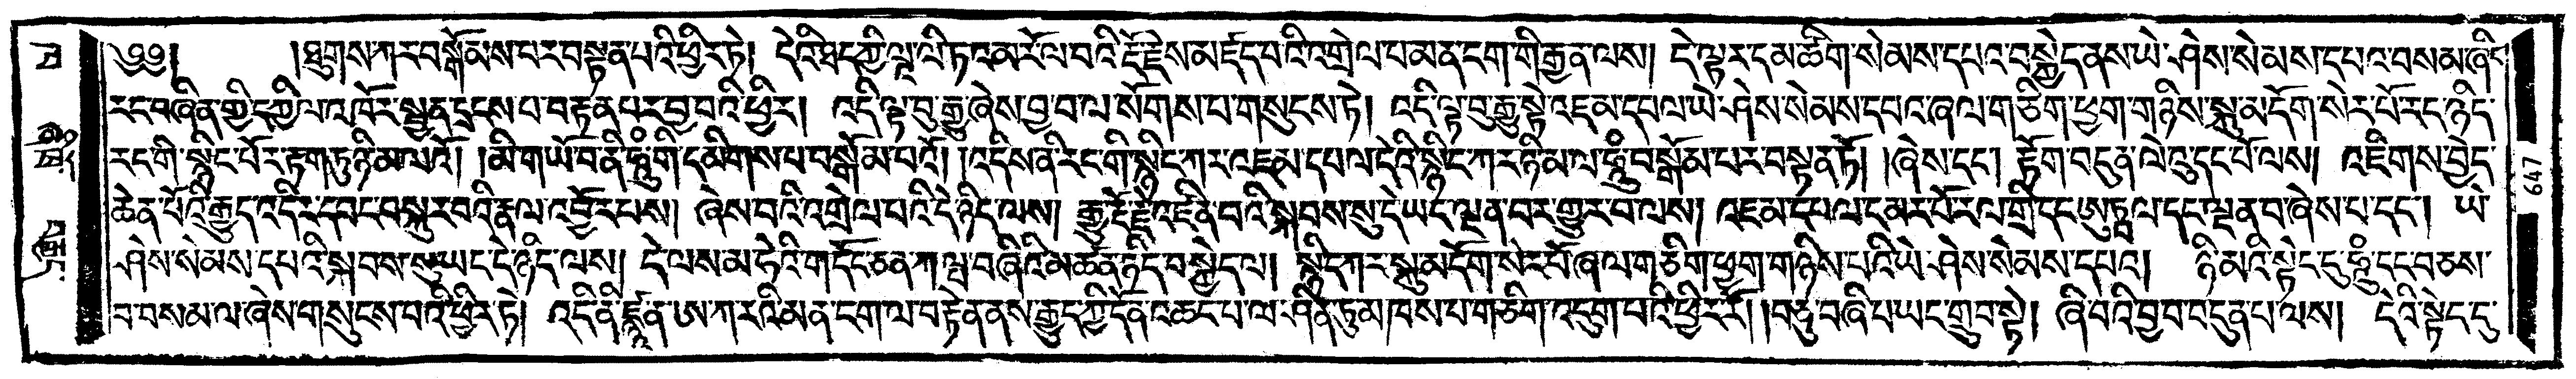༄༅། །ཐུགས་ཀར་བསྒོམས་པར་བསྟན་པའི་ཕྱིར་ཏེ། དེའི་ཐད་ཀྱི་ལཱ་ལི་ཏའམ་རོལ་བའི་རྡོ་རྗེས་མཛད་པའི་འགྲེལ་པ་མན་ངག་གི་རྒྱན་ལས། དེ་ལྟར་དམ་ཚིག་སེམས་དཔའ་བསྐྱེད་ནས་ཡེ་ཤེས་སེམས་དཔའ་བསམ་ཞིང་
རང་བཞིན་གྱི་དཀྱིལ་འཁོར་སྤྱན་དྲངས་པ་བརྟན་པར་བྱ་བའི་ཕྱིར། འདི་ལྟ་བུ་རྒྱུ་ཞེས་བྱ་བ་ལ་སོགས་པ་གསུངས་ཏེ། འདི་ལྟ་བུ་རྒྱུ་སྟེ་འཇམ་དཔལ་ཡེ་ཤེས་སེམས་དཔའ་ཞལ་གཅིག་ཕྱག་གཉིས་སྐུ་མདོག་སེར་པོ་རང་ཉིད་
རང་གི་སྙིང་པོར་རྟག་ཏུ་ཉི་མ་ལའོ། །མི་གཡོ་བ་ནི་ཧཱུཾ་གི་དམིགས་པ་བསྒོམ་པའོ། །འདིས་ནི་རང་གི་སྙིང་ཀར་འཇམ་དཔལ་དེའི་སྙིང་ཀར་ཉི་མ་ལ་ཧཱུཾ་བསྒོམ་པར་བསྟན་ཏོ། །ཞེས་དང་། རྟོག་བདུན་ལེའུ་དང་པོ་ལས། འཇིགས་བྱེད་
ཆེན་པོའི་རྒྱུད་འདིར་དབང་བསྐུར་བའི་རྣལ་འབྱོར་པས། ཞེས་པའི་འགྲེལ་པའི་དེ་ཉིད་ལས། རྒྱུ་རྡོ་རྗེ་འཛིན་པའི་སྐབས་སུ་དེ་ཡང་ལྡན་པར་གྱུར་པ་ལས། འཇམ་དཔལ་དམར་པོ་རལ་གྲི་དང་ཨུཏྤལ་དང་ལྡན་པ་ཞེས་པ་དང་། ཡེ་
ཤེས་སེམས་དཔའི་སྐབས་སུ་ཡང་དེ་ཉིད་ལས། དེ་ལས་མ་ཧེའི་གདོང་ཅན་ཀལྤ་བཞིའི་མཚན་ཉིད་བསྐྱེད་ལ། སྙིང་ཀར་སྐུ་མདོག་སེར་པོ་ཞལ་གཅིག་ཕྱག་གཉིས་པའི་ཡེ་ཤེས་སེམས་དཔའ། ཉི་མའི་སྟེང་དུ་ཧཱུཾ་དང་བཅས་
པ་བསམ་ལ་ཞེས་གསུངས་པའི་ཕྱིར་ཏེ། འདི་ནི་ཛྙཱ་ན་ཨ་ཀ་རའི་མན་ངག་ལ་བརྟེན་ནས་རྒྱུད་ཀྱི་དོན་འཆང་པ་ལ་ཤིན་ཏུ་མཁས་པ་གཅིག་འདུག་པའི་ཕྱིར་རོ། །བཅུ་བཞི་པ་ཡང་གྲུབ་སྟེ། ཞི་བའི་བྱ་བ་བདུན་པ་ལས། དེའི་སྟེང་དུ་